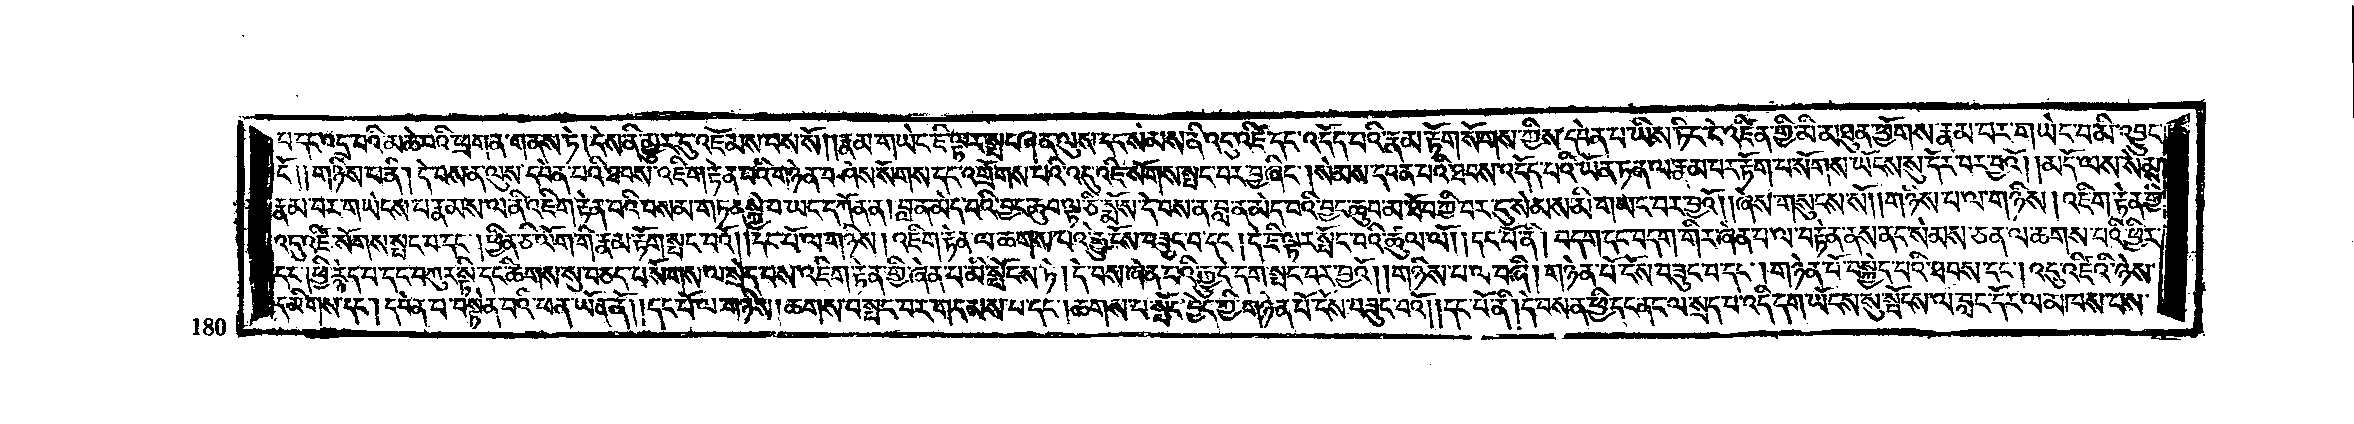པ་དང་འདྲ་བའི་མཆི་བའི་ཕྲག་ན་གནས་ཏེ། ངེས་ནི་མྱུར་དུ་འཇོམས་པས་སོ། །རྣམ་གཡེང་ཇི་ལྟར་སྤང་ཞན་ལུས་དང་སེམས་ནི་འདུ་འཛི་དང་འདོད་པའི་རྣམ་རྟོག་སོགས་ཀྱིས་དཔེན་པ་ཡིས་ཏིང་ངེ་འཛིན་གྱི་མི་མཐུན་ཕྱོགས་རྣམ་པར་གཡེང་བ་མི་འབྱུང་
ངོ༑ ༑གཉིས་པ་ནི། དེ་བས་ན་ལུས་དབེན་པའི་ཐབས་འཇིག་རྟེན་པའི་གཉེན་བཤེས་སོགས་དང་འགྲོགས་པའི་འདུ་འཇི་སོགས་སྤང་བར་བྱ་ཞིང་། སེམས་དབན་པའི་ཐབས་འདོད་པའི་ཡོན་ཏན་ལ་རྣམ་པར་རྟོག་པ་སོགས་ཡོངས་སུ་དོར་བར་བྱའོ། །མདོ་ལས་སེམས་
རྣམ་པར་གཡེངས་པ་རྣམས་ལ་ནི་འཇིག་རྟེན་པའི་བསམ་གཏན་སྐྱེ་བ་ཡང་དཀོན་ན། བླ་ན་མེད་པའི་བྱང་ཆུབ་ལྟ་ཅི་སྨོས་དེ་བས་ན་བླ་ན་མེད་པའི་བྱང་ཆུབ་མ་ཐོབ་ཀྱི་བར་དུ་སེམས་མི་གཡང་བར་བྱའོ། །ཞེས་གསུངས་སོ། །གཉིས་པ་ལ་གཉིས། འཇིག་རྟེན་གྱི་
འདུ་འཛི་སོགས་སྤང་བ་དང་། ཕྱིན་ཅི་ལོག་གི་རྣམ་སྲོག་སྤང་བའོ། །དང་པོ་ལ་གཉིས། འཇིག་རྟེན་ལ་ཆགས་པའི་རྒྱུ་ངོས་བཟུང་བ་དང་། དེ་ཇི་ལྟར་སྤང་བའི་ཚུལ་ལོ། །དང་པོ་ནི། བདག་དང་བདག་གིར་ཞེན་པ་ལ་བརྟེན་ནས་ནང་སེམས་ཅན་ལ་ཆགས་པའི་ཕྱིར་
དང༑ ཕྱི་རྙེད་པ་དང་། བཀུར་སྟི་ཚིགས་སུ་བཅད་པ་སོགས་ལ་སྲེད་པས་འཇིག་རྟེན་གྱི་ཞེན་པ་མི་སྤོངས་ཏེ། དེ་བས་ཞེན་པའི་རྒྱུ་དེ་དག་སྤང་བར་བྱའོ། །གཉིས་པ་ལ་བཞི། གཉེན་པོ་ངོས་བཟུང་བ་དང་། གཉེན་པོ་བསྐྱེད་པའི་ཐབས་དང་། འདུ་འཛིའི་ཉེས་
དམིགས་དང་། དབེན་པ་བསྟེན་པའི་ཕན་ཡོན་ནོ། །དང་པོ་ལ་གཉིས། ཆགས་པ་སྤང་བར་གདམས་པ་དང་། ཆགས་པ་སྤོང་བྱེད་ཀྱི་གཉེན་པོ་ངོས་བཟུང་བའོ། །དང་པོ་ནི། དེ་བས་ན་ཕྱི་དང་ནང་ལ་སྲད་པ་འདི་དག་ཡོང་སུས་སྤོངས་ལ་བླང་དོར་ལ་མཁས་པས་